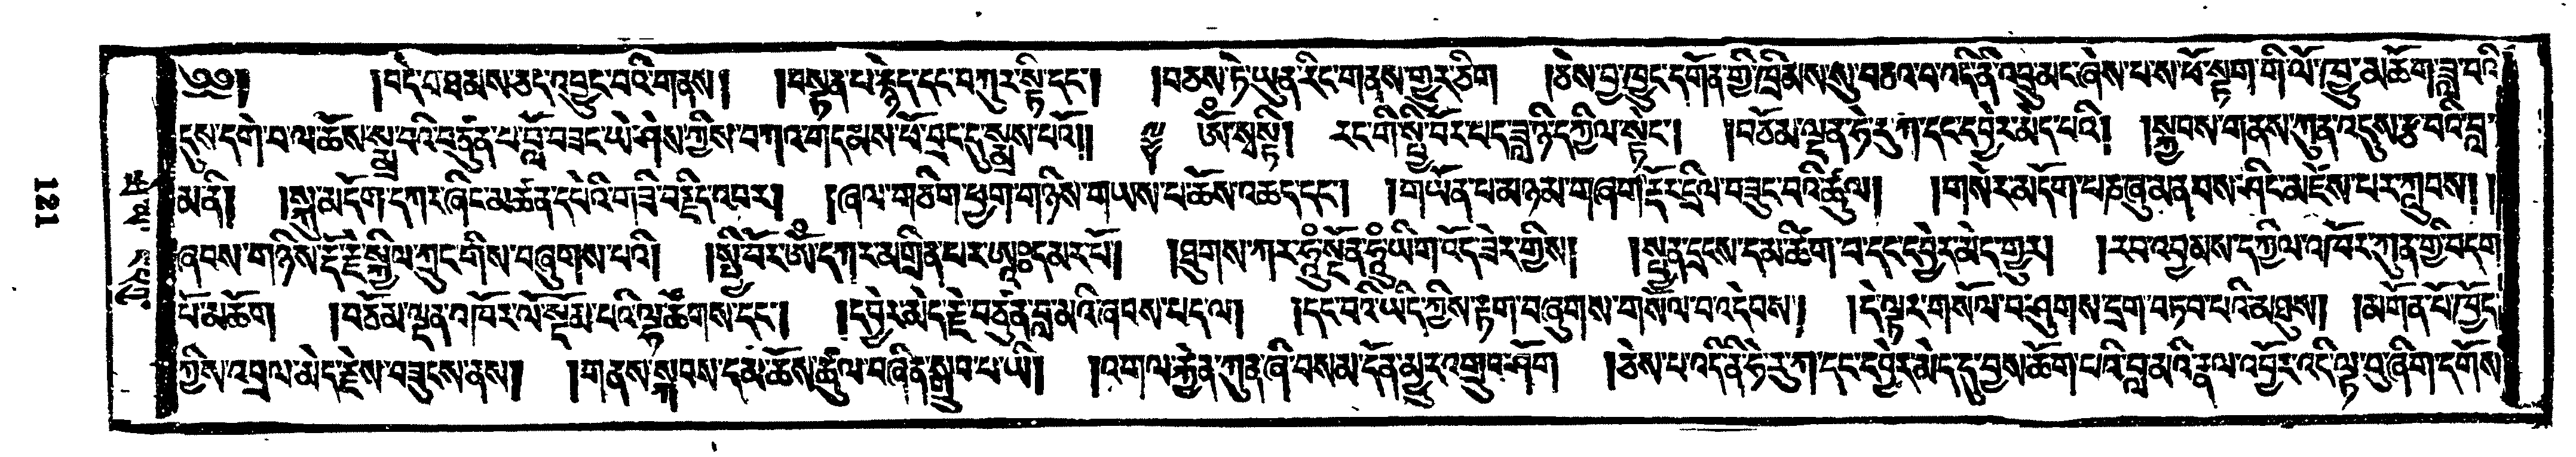༄༅། །བདེ་བ་ཐམས་ཅད་འབྱུང་བའི་གནས། །བསྟན་པ་རྙེད་དང་བཀུར་སྟི་དང་། །བཅས་ཏེ་ཡུན་རིང་གནས་གྱུར་ཅིག །ཅེས་བྱ་ཁྱུང་དགོན་གྱི་ཁྲིམས་སུ་བཅའ་བ་འདི་ནི་འབྲུ་མང་ཞེས་པས་ཕོ་སྟག་གི་ལོ་ཁྱུ་མཆོག་ཟླ་བའི་
དུས་དགེ་བ་ལ་ཆོས་སྨྲ་བའི་བཙུན་པ་བློ་བཟང་ཡེ་ཤེས་ཀྱིས་བཀའ་གདམས་ཕོ་བྲང་དུ་སྨྲས་པའོ།། ༈ ཨོཾ་སྭ་སྟི། རང་གི་སྤྱི་བོར་པད་ཟླ་ཉི་དཀྱིལ་སྟེང་། །བཅོམ་ལྡན་ཧེ་རུ་ཀ་དང་དབྱེར་མེད་པའི། །སྐྱབས་གནས་ཀུན་འདུས་རྩ་བའི་བླ་
མ་ནི། །སྐུ་མདོག་དཀར་ཞིང་མཚན་དཔེའི་གཟི་བརྗིད་འབར། །ཞལ་གཅིག་ཕྱག་གཉིས་གཡས་པ་ཆོས་འཆད་དང་། །གཡོན་པ་མཉམ་གཞག་རྡོར་དྲིལ་བཟུང་བའི་ཚུལ། །གསེར་མདོག་པཎ་ཞུ་མན་བས་ཤིང་མཛེས་པར་ཀླུབས། །
ཞབས་གཉིས་རྡོ་རྗེ་སྐྱིལ་ཀྲུང་གིས་བཞུགས་པའི། །སྤྱི་བོར་ཨོཾ་དཀར་མགྲིན་པར་ཨཱཿདམར་པོ། །ཐུགས་ཀར་ཧཱུཾ་སྔོན་ཧཱུཾ་ཡིག་འོད་ཟེར་གྱིས། །སྤྱན་དྲངས་དམ་ཚིག་བ་དང་དབྱེར་མེད་གྱུར། །རབ་འབྱམས་དཀྱིལ་འཁོར་ཀུན་གྱི་བདག་
པོ་མཆོག །བཅོམ་ལྡན་འཁོར་ལོ་སྡོམ་པའི་ལྷ་ཚོགས་དང་། །དབྱེར་མེད་རྗེ་བཙུན་བླ་མའི་ཞབས་པད་ལ། །དང་བའི་ཡིད་ཀྱིས་རྟག་བཞུགས་གསོལ་བ་འདེབས། །དེ་ལྟར་གསོལ་བ་ཤུགས་དྲག་བཏབ་པའི་མཐུས། །མགོན་པོ་ཁྱོད་
ཀྱིས་འབྲལ་མེད་རྗེས་བཟུངས་ནས། །གནས་སྐབས་དམ་ཆོས་ཚུལ་བཞིན་སྒྲུབ་པ་ཡི། །འགལ་རྐྱེན་ཀུན་ཞི་བསམ་དོན་མྱུར་འགྲུབ་ཤོག །ཅེས་པ་འདི་ནི་ཧེ་རུ་ཀ་དང་དབྱེར་མེད་དུ་བྱས་ཆོག་པའི་བླ་མའི་རྣལ་འབྱོར་འདི་ལྟ་བུ་ཞིག་དགོས་